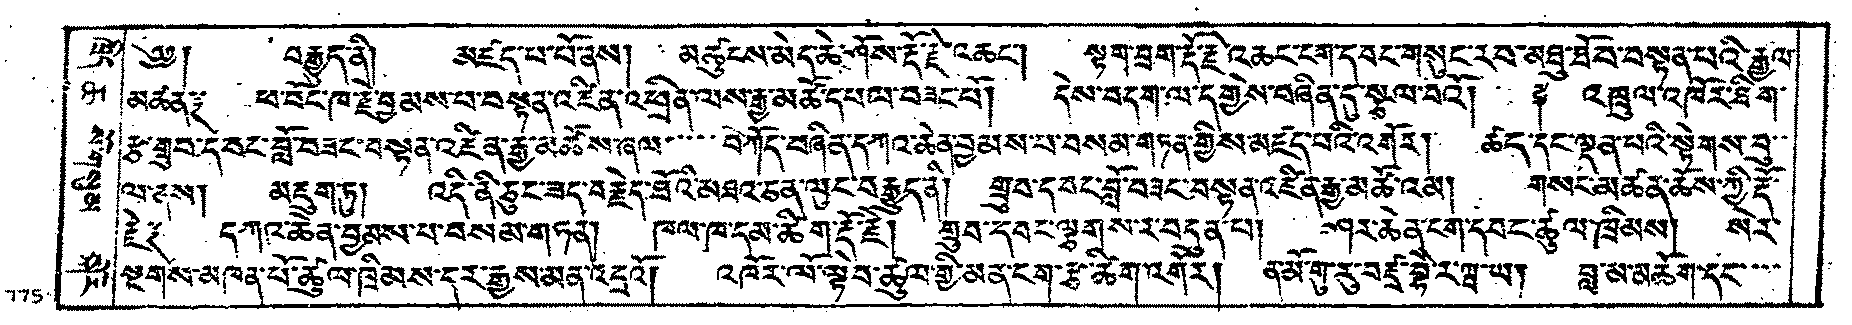༄༅། །བརྒྱུད་ནི། མཛད་པ་པོ་ནས། མཚུངས་མེད་ཆེ་ཤོས་རྡོ་རྗེ་འཆང་། སྟག་བྲག་རྡོ་རྗེ་འཆང་ངག་དབང་གསུང་རབ་མཐུ་ཐོབ་བསྟན་པའི་རྒྱལ་
མཚན༑ ཕ་བོང་ཁ་རྗེ་བྱམས་པ་བསྟན་འཛིན་འཕྲིན་ལས་རྒྱ་མཚོ་དཔལ་བཟང་པོ། དེས་བདག་ལ་དགྱེས་བཞིན་དུ་སྩལ་བའོ། ༈ འཁྲུལ་འཁོར་ཐིག་
རྩ་གྲུབ་དབང་བློ་བཟང་བསྟན་འཛིན་རྒྱ་མཚོས་ཞལ་བཀོད་བཞིན་དཀའ་ཆེན་བྱམས་པ་བསམ་གཏན་གྱིས་མཛད་པའི་འགོར། ཚད་དང་ལྡན་པའི་སྟེགས་བུ་
ལ་ནས། མཇུག་ཏུ། འདི་ནི་ཅུང་ཟད་བརྗེད་ཐོའི་མཐའ་ཅན་ལུང་བརྒྱུད་ནི། གྲུབ་དབང་བློ་བཟང་བསྟན་འཛིན་རྒྱ་མཚོའམ། གསང་མཚན་ཆོས་ཀྱི་རྡོ་
རྗེ༑ དཀའ་ཆེན་བྱམས་པ་བསམ་གཏན། ཁལ་ཁ་དམ་ཚིག་རྡོ་རྗེ། གྲུབ་དབང་ལྕགས་ར་བདུན་པ། ཤར་ཆེན་ངག་དབང་ཚུལ་ཁྲིམས། སེར་
སྔགས་མཁན་པོ་ཚུལ་ཁྲིམས་དར་རྒྱས་མན་འདྲའོ། འཁོར་ལོ་ལྟེབ་ཚུལ་གྱི་མན་ངག་རྩ་ཚིག་འགོར། ན་མོ་གུ་རུ་བཛྲ་བྷཻ་ར་ཝ་ཡ། བླ་མ་མཆོག་དང་